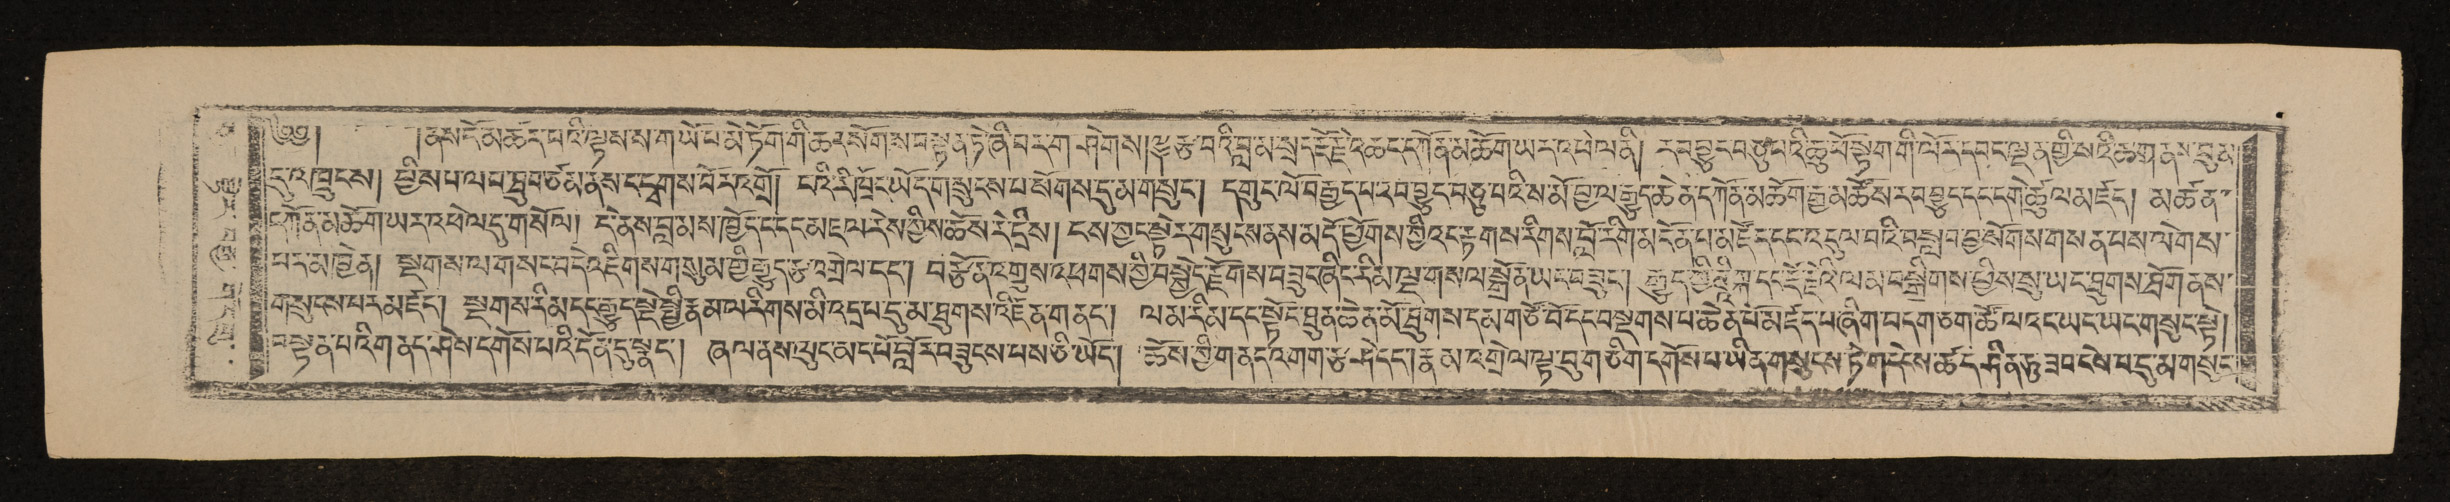༄༅། །ནས་ངོ་མཚང་བའི་ལྟས་ས་གཡོ་བ་མེ་ཏོག་གི་ཆར་སོགས་བསྟན་ཏེ་ཞི་བར་གཤེགས། ༈ རྩ་བའི་བླ་མ་སྲད་རྡོ་རྗེ་འཆང་དཀོན་མཆོག་ཡར་འཕེལ་ནི། རབ་བྱུང་བཅུ་པའི་ཆུ་ཕོ་སྟག་གི་ལོ་ང་དབང་ལྡན་གྱི་སའི་ཆ་གནས་བུམ་
དུ་འཁྲུངས། བྱིས་པ་ལབ་ཐུབ་ཙམ་ནས་ང་དྭགས་པོར་འགྲོ། ངའི་རི་ཁྲོད་ཡོད་གསུངས་པ་སོགས་དུ་མ་གསུང་། དགུང་ལོ་བརྒྱད་པ་རབ་བྱུང་བཅུ་པའི་ས་མོ་བྱ་ལ་རྒྱུད་ཆེན་དཀོན་མཆོག་རྒྱ་མཚོས་རབ་བྱུང་དང་དགེ་ཚུལ་མཛད། མཚན་
དཀོན་མཆོག་ཡར་འཕེལ་དུ་གསོལ། དེ་ནས་བླ་མས་ཁྱོད་ང་དང་མཇལ་རེས་ཀྱིས་ཆོས་རེ་དྲིས། ངས་ཀྱང་སྟེར་གསུངས་ནས་མདོ་ཕྱོགས་ཀྱིའང་རྟགས་རིགས་བློ་རིག་མངོན་པ་མཛོད་དང་འདུལ་བའི་བསླབ་བྱ་སོགས་གསན་པས་ལེགས་
པར་མཁྱེན། སྔགས་ལ་གསང་བ་དེ་འཇིགས་གསུམ་གྱི་རྒྱུད་རྩ་འགྲེལ་དང་། བརྩོན་འགྲུས་འཕགས་ཀྱི་བསྐྱེད་རྫོགས་བཟུང་ཞིང་རིམ་ལྔ་གསལ་སྒྲོན་ཡང་བཟུང་། རྒྱུད་ཀྱི་ཊཱིཀྐ་དང་རྡོ་རྗེའི་ལམ་བསྒྲིགས་ཕྱིས་སུ་ཡང་ཐུགས་ཐོག་ནས་
གསུངས་པར་མཛད། སྔགས་རིམ་དང་རྒྱུད་སྡེ་སྤྱི་རྣམ་ལ་རིགས་མི་འདྲ་བ་དུ་མ་ཐུགས་འཛིན་གནང་། ལམ་རིམ་དང་སྟོང་ཐུན་ཆེན་མོ་ཐུགས་དམ་གཙོ་བོ་དང་བསྔགས་པ་ཆེན་པོ་མཛད་པ་ཞིག་བདག་ཅག་ཚོ་ལའང་ཡང་ཡང་གསུང་སྟེ།
བསྟན་པའི་གནད་ཤེས་དགོས་པའི་དོན་དུ་སྣང་། ཞལ་ནས་ལུང་མང་པོ་བློར་བཟུངས་པས་ཅི་ཡོང་། ཆོས་ཀྱི་གནད་འགག་རྩ་ཤེ་དང་། རྣམ་འགྲེལ་ལྟ་བུ་གཅིག་དགོས་པ་ཡིན་གསུངས་ཏེ་གདེངས་ཚད་ཤིན་ཏུ་ཟབ་ངེས་པ་དུ་མ་གསུང་